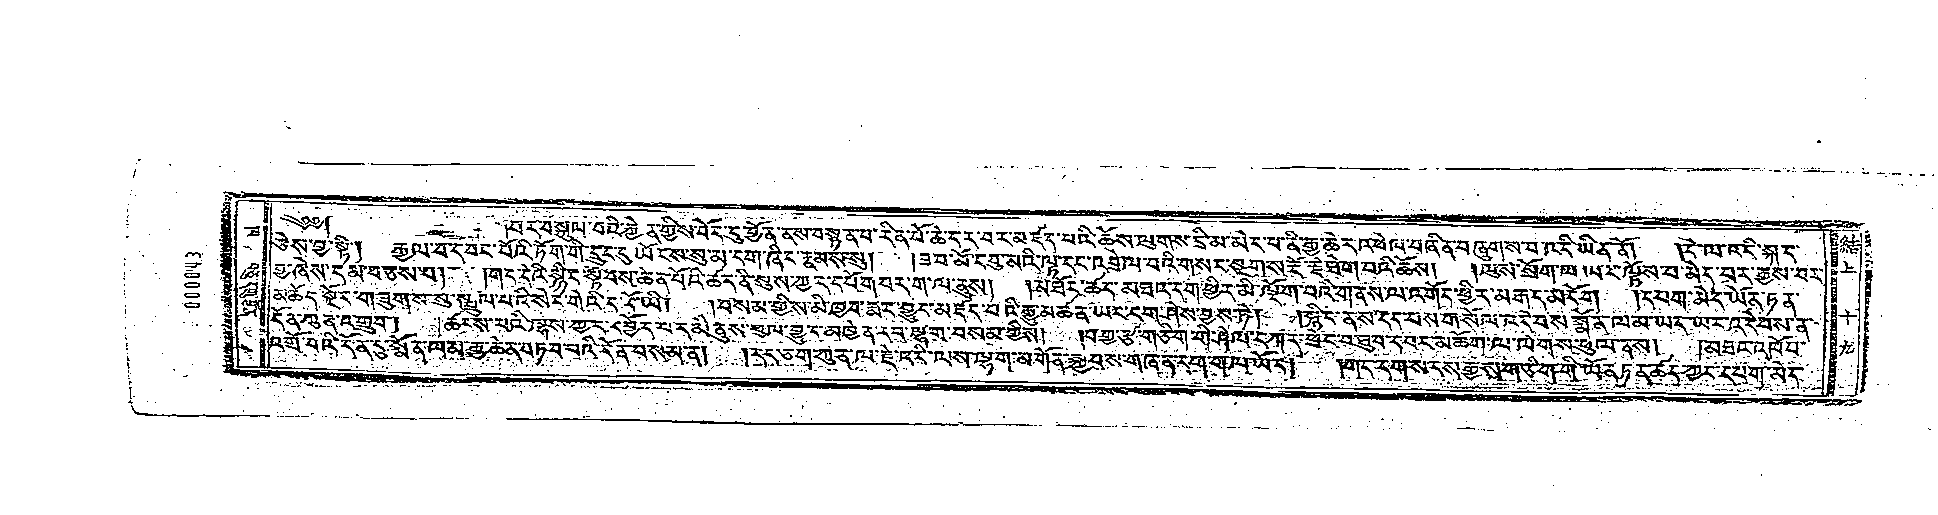༄༅། །བར་བསྐུལ་བའི་རྐྱེན་གྱིས་བོང་དུ་བྱོན་ནས་བསྟན་པ་རིན་པོ་ཆེ་དར་བར་མཛད་པའི་ཆོས་ལུགས་དྲི་མ་མེད་པ་ནི་རྒྱ་ཆེར་འཕེལ་བཞིན་བཞུགས་པ་འདི་ཡིན་ནོ། །དེ་ལ་འདི་སྐད་
ཅེས་བྱ་སྟི། རྒྱལ་བ་དབང་པོའི་ཏོག་གི་དྲུང་དུ་ཡོངས་སུ་མ་དག་ཞིང་རྣམས་སུ། །ཟབ་མོ་དབུ་མའི་ལྟ་དང་འབྲེལ་བའི་གསང་སྔགས་རྡོ་རྗེ་ཐེག་བའི་ཆོས། །ལུས་སྲོག་ལ་ཡང་ལྟོས་བ་མེད་བར་རྒྱས་བར་
བྱ་ཞེས་དམ་བཅས་པ། །གང་དེའི་སྙིང་སྟོབས་ཆེན་པོའི་ཚང་ནི་སུས་ཀྱང་དཔོག་པར་ག་ལ་ནུས། །མཐོང་ཚད་མཐའ་དག་ཕྱིར་མི་ལྡོག་བའི་གནས་ལ་འགོད་ཕྱིར་མ་རྒད་མདོག །དཔག་མེད་ཡོན་ཏན་
མཆོད་སྔོད་གཟུགས་སུ་སྤྲུལ་པའི་སེང་གེའི་ང་རོ་ཡི། །བསམ་གྱི་མི་ཁྱབ་རྨད་བྱུང་མཛད་པའི་རྒྱུ་མཚན་ཡང་ངག་ཤེས་བྱས་ཏེ། །སྙིང་ནས་དད་པས་གསོལ་འདེབས་སྨོན་ལམ་ཡང་ཡང་འདེབས་ན་
དོན་ཀུན་འགྲུབ། །ཚངས་པའི་ལྷས་ཀྱང་དབྱོར་པར་མི་ནུས་ཐུལ་བྱུང་མཁྱེན་རབ་ལྷག་བསམ་གྱིས། །བརྒྱ་རྩ་གཅིག་གི་ཤེལ་དཀར་ཕྲེང་བ་ཐུབ་དབང་མཆོག་ལ་ལེགས་ཕུལ་ནས། །མཐའ་འཁོབ་
འགྲོ་བའི་དོན་དུ་སྨོན་ལམ་རྒྱ་ཆེན་བཏབ་པའི་དོན་བསམ་ན། །རང་ཅག་ཀུན་ལ་རྗེ་འདི་ལས་ལྷག་མགོན་སྐྱབས་གཞན་དག་ག་ལ་ཡོད། །གང་དག་སངས་རྒྱས་གཅིག་གི་ཡོན་ཏན་ཚད་ཀྱང་དཔག་མེད་